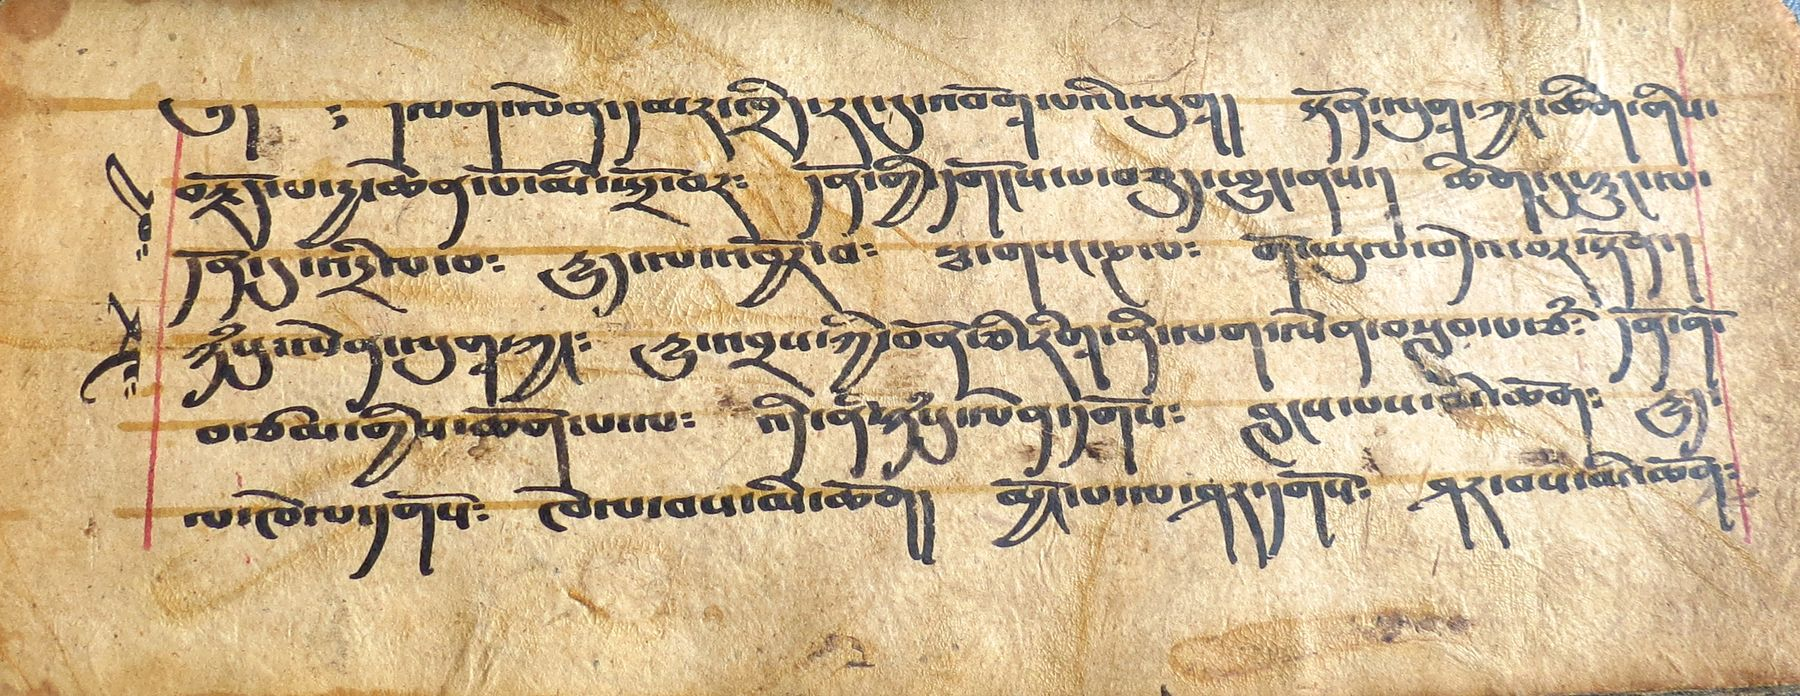ལག་ལེན་དེ་དམར་ཁྲིད་རང་དུ་འབོག་པའི་ལུགས། སྟོན་ལུགས་ཀྱང་ཚིག་གི་
བརྗོད་པ་རྒྱ་ཆེན་པོ་མི་སྤྲོ་བར། དོན་གྱི་དགོངས་པ་བཅུད་ཕྱུང་ནས། ཚིག་ཏུ་ཉུང་ལ། 
དོན་དུ་འདྲིལ་བ། རྒྱུད་ལ་འབྱོར་བ། སྦས་གསང་མེད་པ་གོ་ཡུལ་བདེ་བར་སྟོན། 
ཉམས་སུ་ལེན་ལུགས་ཀྱང་། རྒྱུ་འབྲས་ཀྱི་བོན་ཅི་རིགས་ནི། ལག་ལེན་བསླབ་པ་ཙམ། ཚིག་ཟིན་
པ་ཙམ། ཤེས་པ་ཙམ། དོན་གོ་བ་ཙམ་གྱིས་ཆོག་པ་ལ། འདི་ནི་ཉམས་སུ་ལེན་དགོས། བླངས་པ་ཙམ་གྱིས་མི་ཆོག་རྒྱུད་
ལ་ཁེལ་དགོས། ཁེལ་བས་མི་ཆོག་མྱོང་བ་ལ་ཤར་དགོས། ཤར་བས་མི་ཆོག་